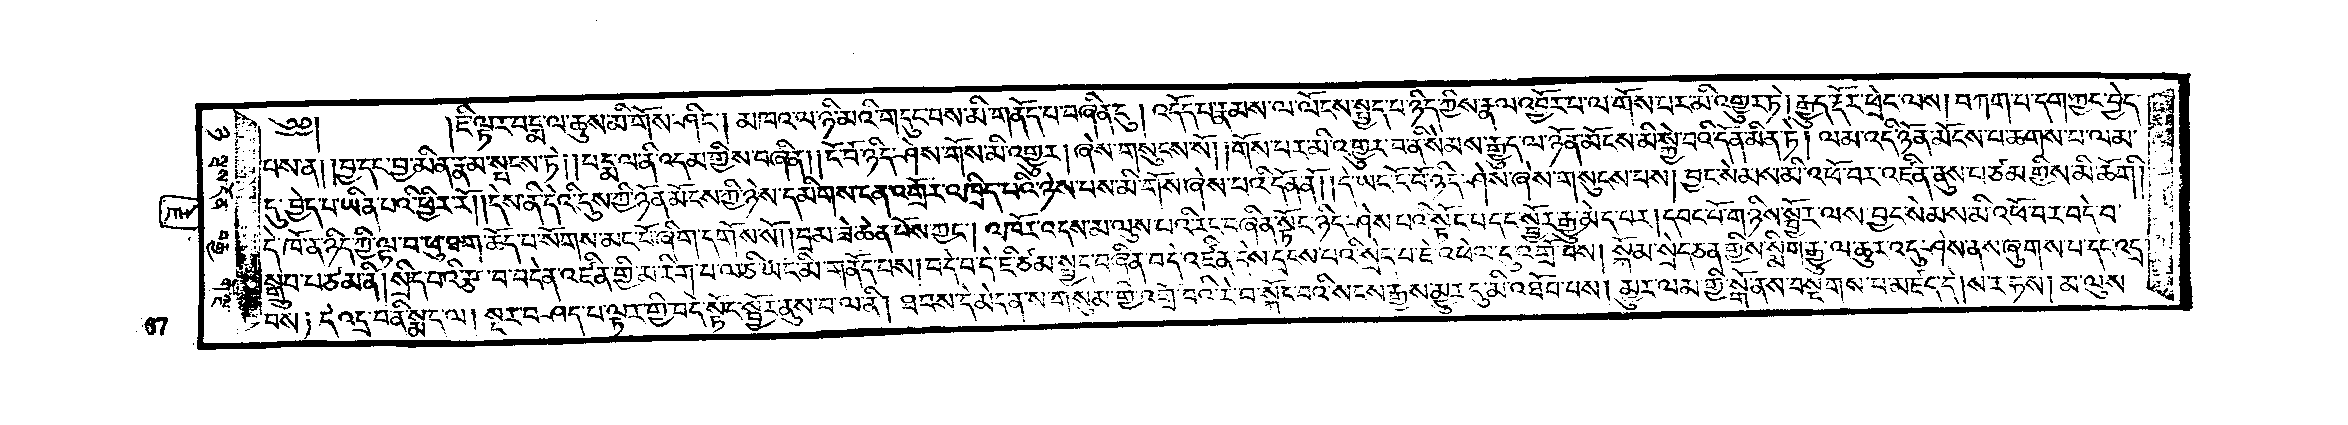༄༅། །ཇི་ལྟར་པདམ་ལ་ཆུས་མི་གོས་ཤིང་། མཁའ་ལ་ཉི་མའི་གདུང་བས་མི་གནོད་པ་བཞིན་དུ། འདོད་པ་རྣམས་ལ་ལོངས་སྤྱད་པ་ཉིད་ཀྱིས་རྣལ་འབྱོར་པ་ལ་གོས་པར་མི་འགྱུར་ཏེ། རྒྱུད་རྡོར་ཕྲེང་ལས། བཀག་པ་དག་ཀྱང་བྱེད་
པས་ན། །བྱ་དང་བྱ་མིན་རྣམ་སྤངས་ཏེ། །པདམ་ལ་ནི་འདམ་གྱིས་བཞིན། །ངོ་བོ་ཉིད་ཤེས་གོས་མི་འགྱུར། ཞེས་གསུངས་སོ། །གོས་པར་མི་འགྱུར་བ་ནི་སེམས་རྒྱུད་ལ་ཉོན་མོངས་མི་སྐྱེ་བའི་དོན་མིན་ཏེ། ལམ་འདི་ཉོན་མོངས་པ་ཆགས་པ་ལམ་
དུ་བྱེད་པ་ཡིན་པའི་ཕྱིར་རོ། །དེས་ནི་དེའི་དུས་ཀྱི་ཉོན་མོངས་ཀྱི་ཉེས་དམིགས་ངན་འགྲོར་འཁྲིད་པའི་ཉེས་པས་མི་གོས་ཞེས་པའི་དོན་ནོ། །དེ་ཡང་ངོ་བོ་ཉིད་ཤེས་ཞེས་གསུངས་པས། བྱང་སེམས་མི་འཕོ་བར་འཛིན་ནུས་པ་ཙམ་གྱིས་མི་ཆོག་གི།
དེ་ཁོ་ན་ཉིད་ཀྱི་ལྟ་བ་ཕུ་ཐག་ཆོད་པ་སོགས་མང་པོ་ཞིག་དགོས་སོ། །བྲམ་ཟེ་ཆེན་པོས་ཀྱང་། འཁོར་འདས་མ་ལུས་པའི་རང་བཞིན་སྟོང་ཉིད་ཤེས་པའི་སྟོང་པ་དང་སྦྱོར་རྒྱུ་མེད་པར། དབང་པོ་གཉིས་སྦྱོར་ལས་བྱང་སེམས་མི་འཕོ་བར་བདེ་བ་
སྒྲུབ་པ་ཙམ་ནི། སྲིད་པའི་རྩ་བ་བདེན་འཛིན་གྱི་མ་རིག་པ་ལ་ཅི་ཡང་མི་གནོད་པས། བདེ་བ་དེ་ཇི་ཙམ་སྤྱད་བཞིན་བདེ་འཛིན་དེས་དྲངས་པའི་སྲེད་པ་ཇེ་འཕེལ་དུ་འགྲོ་བས། སྐོམ་སྲེད་ཅན་གྱིས་སྨིག་རྒྱུ་ལ་ཆུར་འདུ་ཤེས་ནས་ཞུགས་པ་དང་འདྲ་
བས། དེ་འདྲ་བ་ནི་སྨད་ལ། སྔར་བཤད་པ་ལྟར་གྱི་བདེ་སྟོང་སྦྱོར་ནུས་པ་ལ་ནི། ཐབས་དེ་མེད་ན་ས་གསུམ་གྱི་འགྲོ་བའི་རེ་བ་སྐོང་བའི་སངས་རྒྱས་མྱུར་དུ་མི་འཐོབ་པས། མྱུར་ལམ་གྱི་སྒོ་ནས་བསྔགས་པ་མཛད་དེ། ས་ར་ཧས། མ་ལུས་